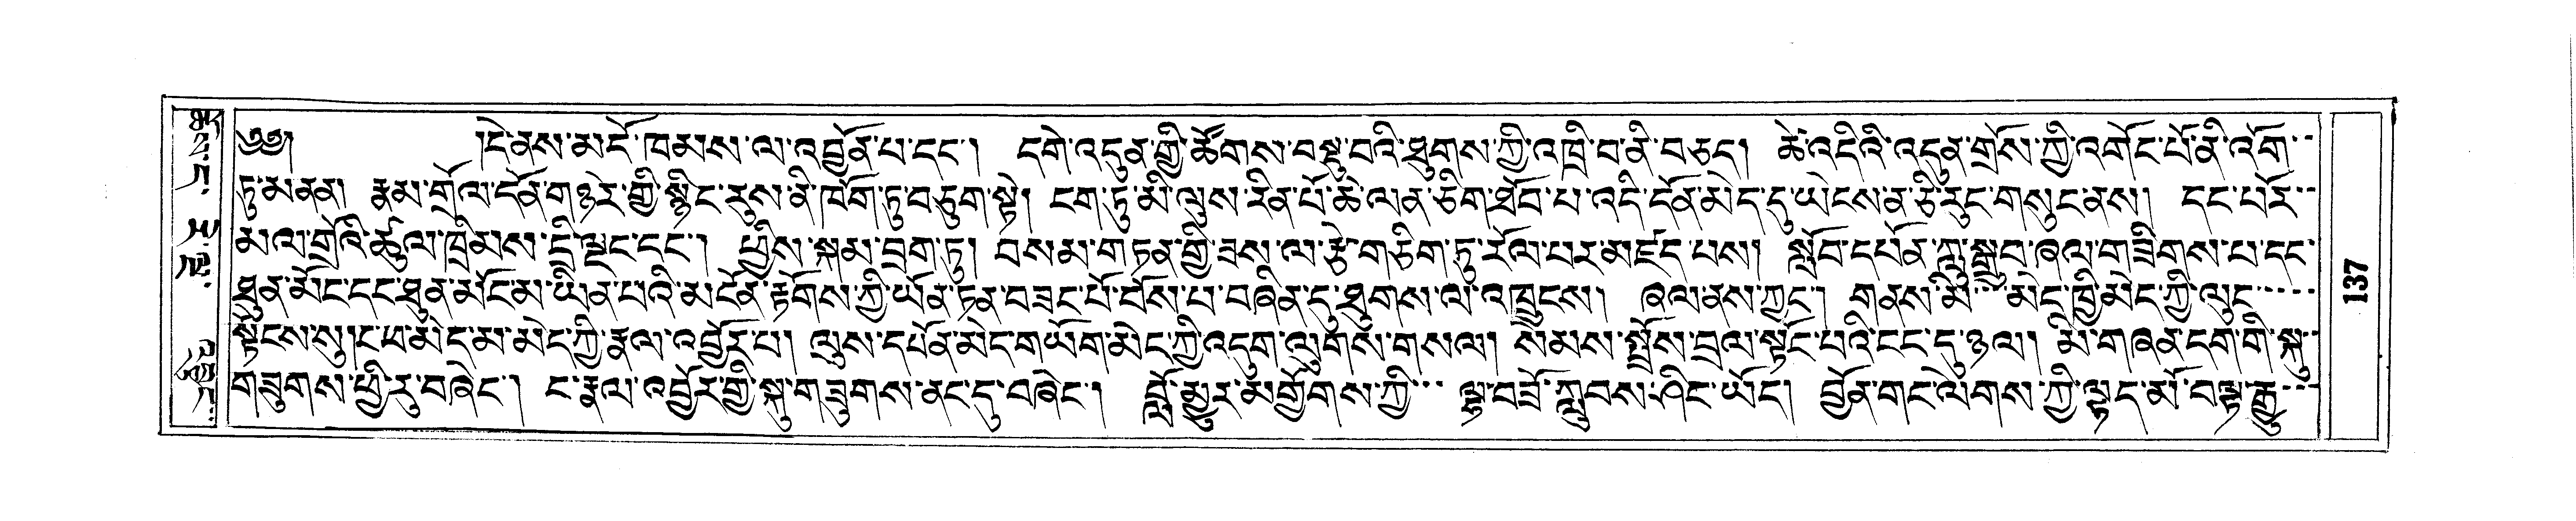༄༅། །དེ་ནས་མདོ་ཁམས་ལ་འབྱོན་པ་དང་། དགེ་འདུན་གྱི་ཚོགས་བསྡུ་བའི་ཐུགས་ཀྱི་འཁྲི་བ་ནི་བཅད། ཚེ་འདིའི་འདུན་གྲོས་ཀྱི་འགོང་པོ་ནི་འོག་
ཏུ་མནན། རྣམ་གྲོལ་དོན་གཉེར་གྱི་སྙིང་རུས་ནི་ཁོག་ཏུ་བཅུག་སྟེ། ངག་ཏུ་མི་ལུས་རིན་པོ་ཆེ་ལན་ཅིག་ཐོབ་པ་འདི་དོན་མེད་དུ་ཡེངས་ན་ཅི་རུང་གསུང་ནས། དང་པོར་
མལ་གྲོའི་ཚུལ་ཁྲིམས་དྲི་ལྡང་དང་། ཕྱིས་སྐམ་བྲག་ཏུ། བསམ་གཏན་གྱི་ཟས་ལ་རྩེ་གཅིག་ཏུ་རོལ་པར་མཛད་པས། སློབ་དཔོན་ཀླུ་སྒྲུབ་ཞལ་གཟིགས་པ་དང་
ཐུན་མོང་དང་ཐུན་མོང་མ་ཡིན་པའི་མངོན་རྟོགས་ཀྱི་ཡོན་ཏན་བཟང་པོ་བོས་པ་བཞིན་དུ་ཐུགས་ལ་འཁྲུངས། ཞལ་ནས་ཀྱང་། གནས་མི་མེད་ཁྱི་མེད་ཀྱི་ལུང་
སྟོངས་སུ། ང་ཕ་མེད་མ་མེད་ཀྱི་རྣལ་འབྱོར་པ། ལུས་དཔོན་མེད་གཡོག་མེད་ཀྱི་འདུག་ལུགས་གསལ། སེམས་སྤྲོས་བྲལ་སྟོང་པའི་ངང་དུ་ཉལ། མི་གཞན་དག་གི་སྐུ་
གཟུགས་ཕྱི་རུ་བཞེང་། ང་རྣལ་འབྱོར་གྱི་སྐུ་གཟུགས་ནང་དུ་བཞེང་། བློ་མྱུར་མགྱོགས་ཀྱི་ལྷ་བཟོ་ཀླུབས་ཤིང་ཡོད། བྱོན་གང་ལེགས་ཀྱི་ལྟད་མོ་བལྟ་རྒྱུ་